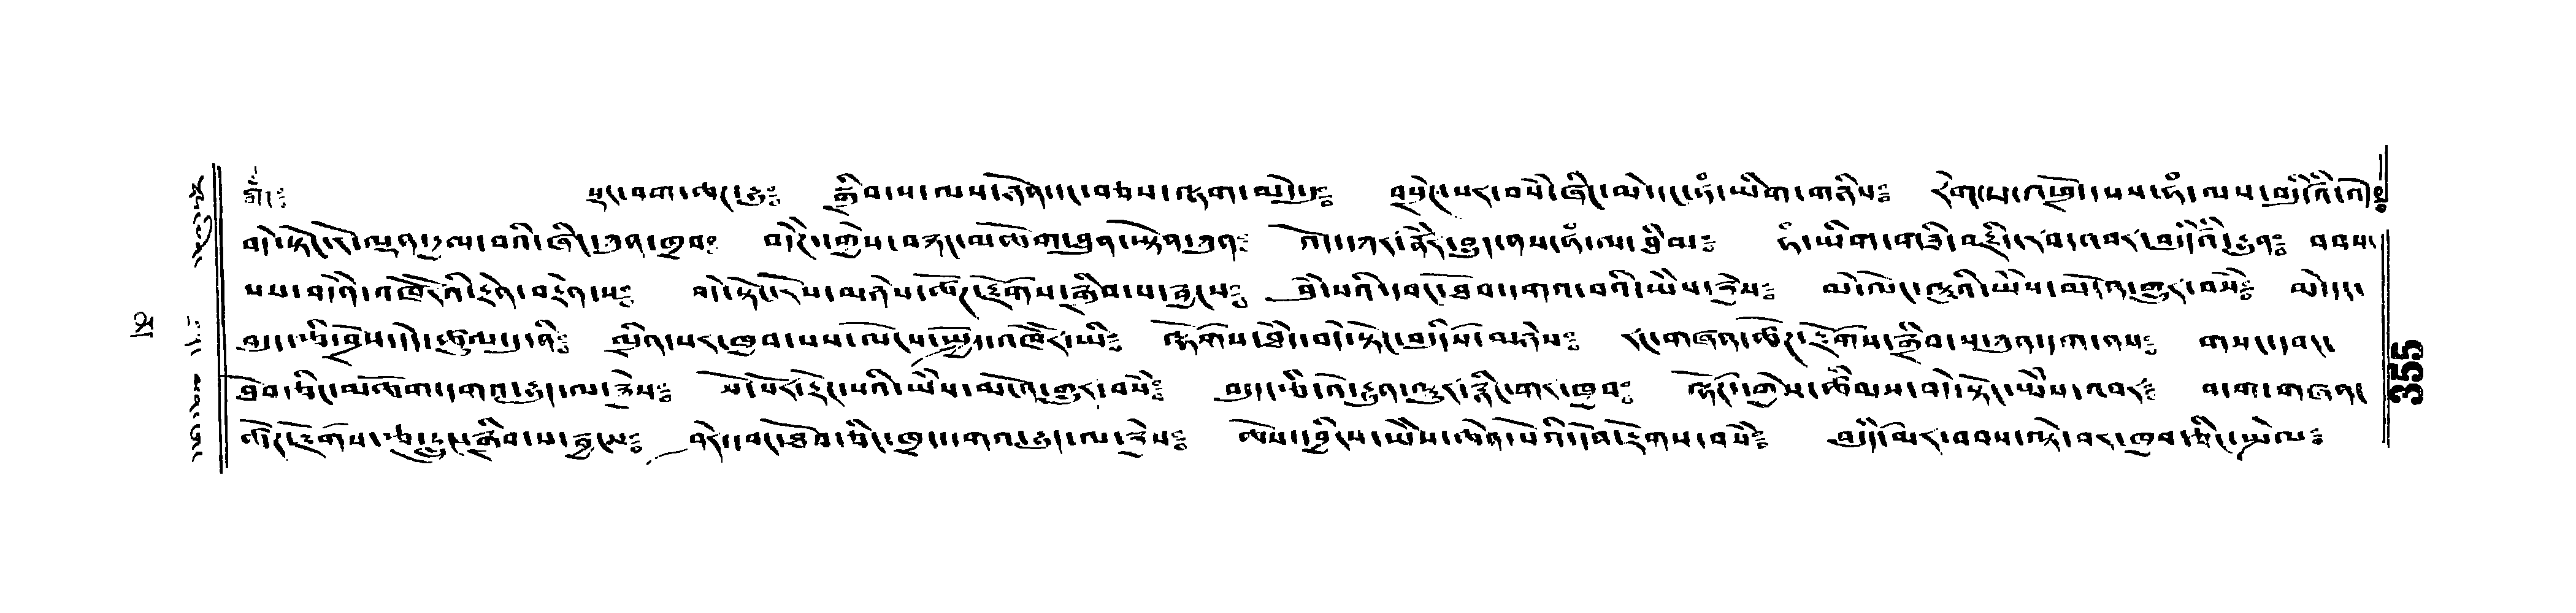སྡང་བག་ཆགས་རྒྱུ༔ སྒྲིབ་པ་ལས་ཉོན་དང་བཅས་ལྷག་མེད་དུ༔ བསྲེགས་པར་བསམ་ཞིང་མེ་དང་ཧཾ་ཡིག་གཉིས༔ རིག་པ་འཕྲོད་པས་ཧཾ་ལས་བདུད་རྩིའི་འོད༔ 
བདེ་སྟོང་རོ་ལྡན་རྒྱལ་བའི་ཞིང་ཀུན་ཁྱབ༔ བདེ་གཤེགས་དགྱེས་བསྐང་མཆོག་ཐུན་ཡོན་ཏན་ཀུན༔ འོད་དཀར་རྣམ་པར་བྱུང་ནས་ཧཾ་ལ་ཐིམ༔ ཧཾ་ཡིག་གཟི་བརྗིད་རབ་འབར་བདུད་རྩིའི་རྒྱུན༔ བབས་
པས་བདེ་ཆེན་འཁོར་ལོའི་རྟེན་བརྟེན་པ༔ བདེ་སྟོང་རོས་མཉེས་ཚོགས་རྫོགས་སྒྲིབ་པ་སྦྱངས༔ བུམ་པའི་དབང་ཐོབ་དགའ་བའི་ཡེ་ཤེས་སྐྱེས༔ མེ་ལོང་ལྟ་བུའི་ཡེ་ཤེས་མངོན་གྱུར་བསམ༔ མེ་དང་
བདུད་རྩི་བྲོས་དོད་ཚུལ་དུ་ནི༔ མགྲིན་པར་ཁྱབ་པས་ལོངས་སྤྱོད་འཁོར་ལོ་ཡིས༔ ལྷ་ཚོགས་ཐམས་ཅད་བདེ་སྟོང་བདུད་རྩིས་མཉེས༔ རང་གཞན་ཚོགས་རྫོགས་སྒྲིབ་པ་ཀུན་དག་ནས༔ གསང་དབང་
ཐོབ་ཅིང་མཆོག་དགའ་རྒྱུད་ལ་སྐྱེས༔ སོ་སོར་རྟོགས་པའི་ཡེ་ཤེས་མངོན་གྱུར་བསམ༔ བདུད་རྩི་འོ་རྒྱུན་ལྟ་བུར་སྙིང་གར་ཁྱབ༔ ལྷ་ཚོགས་དགྱེས་ཚིམས་བདེ་སྟོང་ཡེ་ཤེས་འབར༔ བདག་གཞན་
ཚོགས་རྫོགས་རྩ་རླུང་སྒྲིབ་པ་སྦྱངས༔ ཤེར་དབང་ཐོབ་ཅིང་ཁྱད་དགའ་རྒྱུད་ལ་སྐྱེས༔ ཆོས་དབྱིངས་ཡེ་ཤེས་ཆེན་པོའི་དོན་རྟོགས་བསམ༔ བདུད་རྩི་མར་བབས་ལྟེ་བར་ཁྱབ་ཅིང་སྤེལ༔